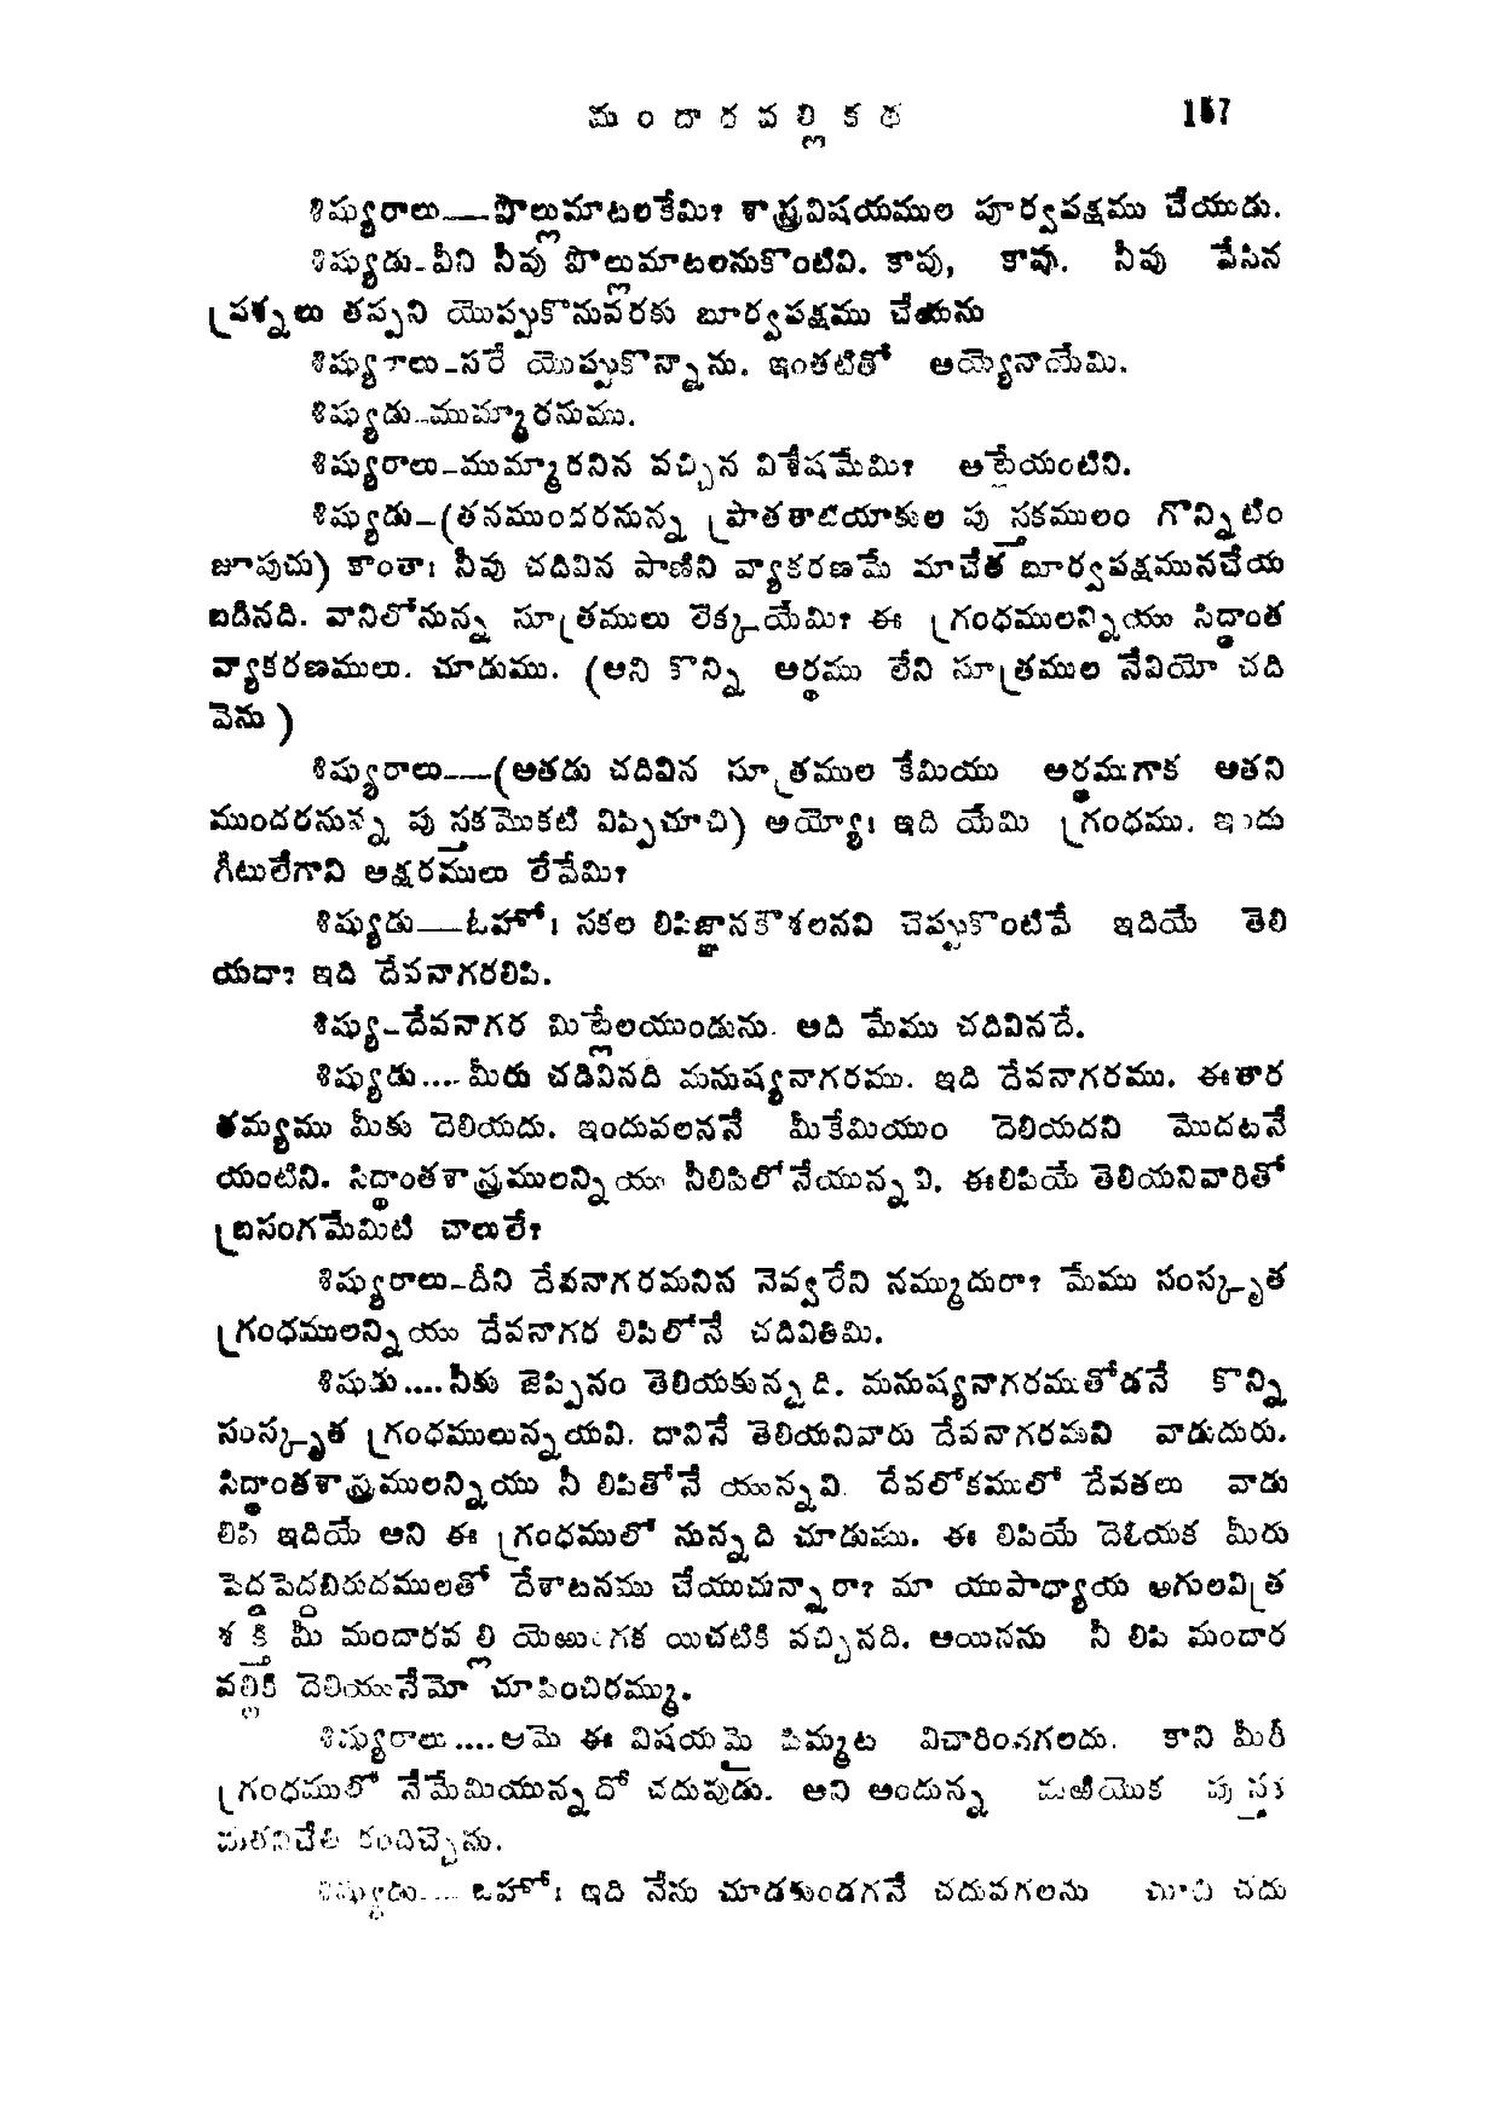శిష్యురాలు - పొల్లుమాటలకేమి? శాస్త్రవిషయముల పూర్వపక్షము చేయుడు.

శిష్యుడు - వీని నీవు పొల్లుమాటలనుకొంటివి. కావు, కావు. నీవు వేసిన ప్రశ్నలు తప్పని యొప్పుకొనువరకు బూర్వపక్షము చేయను

శిష్యురాలు - సరే యొప్పుకొన్నాను. ఇంతటితో అయ్యెనాయేమి.

శిష్యుడు - ముమ్మారనుము.

శిష్యురాలు - ముమ్మారనిన వచ్చిన విశేషమేమి! అట్లేయంటిని.

శిష్యుడు - (తనముందరనున్న ప్రాతతాటియాకుల పుస్తకములం గొన్నిటిం జూపుచు) కాంతా! నీవు చదివిన పాణిని వ్యాకరణమే మాచేత బూర్వపక్షమున చేయబడినది. వానిలోనున్న సూత్రములు లెక్కయేమి? ఈ గ్రంధములన్నియు సిద్ధాంతవ్యాకరణములు. చూడుము. (అని కొన్ని అర్థము లేని సూత్రముల నేవియో చదివెను)

శిష్యురాలు -- (అతడు చదివిన సూత్రముల కేమియు అర్థముగాక ఆతని ముందరనున్న పుస్తకమొకటి విప్పిచూచి) అయ్యో! ఇది యేమి గ్రంథము. ఇందు గీటులేగాని అక్షరములు లేవేమి?

శిష్యుడు - ఓహో! సకలలిపిజ్ఞానకౌశలనని చెప్పుకొంటివే ఇదియే తెలియదా? ఇది దేవనాగరలిపి.

శిష్యురాలు - దేవనాగర మిట్లేలయుండును. అది మేము చదివినదే.

శిష్యుడు - మీరు చదివినది మనుష్యనాగరము. ఇది దేవనాగరము. ఈ తారతమ్యము మీకు దెలియదు. ఇందువలననే మీకేమియుం దెలియదని మొదటనే యంటిని. సిద్ధాంతశాస్త్రములన్నియు నీలిపిలో నేయున్నవి. ఈ లిపియే తెలియనివారితో బ్రసంగమేమిటి చాలులే?

శిష్యురాలు - దీని దేవనాగరమనిన నెవ్వ రేని నమ్ముదురా? మేము సంస్కృత గ్రంథములన్నియు దేవనాగరలిపిలోనే చదివితిమి.

శిష్యుడు - నీకు జెప్పినం తెలియకున్నది. మనుష్యనాగరముతోడనే కొన్ని సంస్కృతగ్రంథము లున్నయవి. దానినే తెలియనివారు దేవనాగరమని వాడుదురు. సిద్ధాంతశాస్త్రములన్నియు నీ లిపితోనే యున్నవి. దేవలోకములో దేవతలు వాడు లిపి ఇదియే అని ఈ గ్రంథములో నున్నది చూడుము. ఈ లిపియే దెలియక మీరు పెద్దపెద్దబిరుదములతో దేశాటనము చేయుచున్నారా? మా యుపాధ్యాయ అగులవిత్ర శక్తి మీ మందారవల్లి యెఱుంగక యిచటికి వచ్చినది. అయినను నీ లిపి మందారవల్లికి దెలియునేమో చూపించిరమ్ము.

శిష్యురాలు - ఆమె ఈ విషయమై పిమ్మట విచారించగలదు. కాని మీరీ గ్రంథములో నేమేమియున్నదో చదువుడు. అని అందున్న మఱియొక పుస్తకమతనిచేతి కందిచ్చెను.

శిష్యుడు - ఒహో! ఇది నేను చూడకుండగనే చదువగలను చూచి చదు